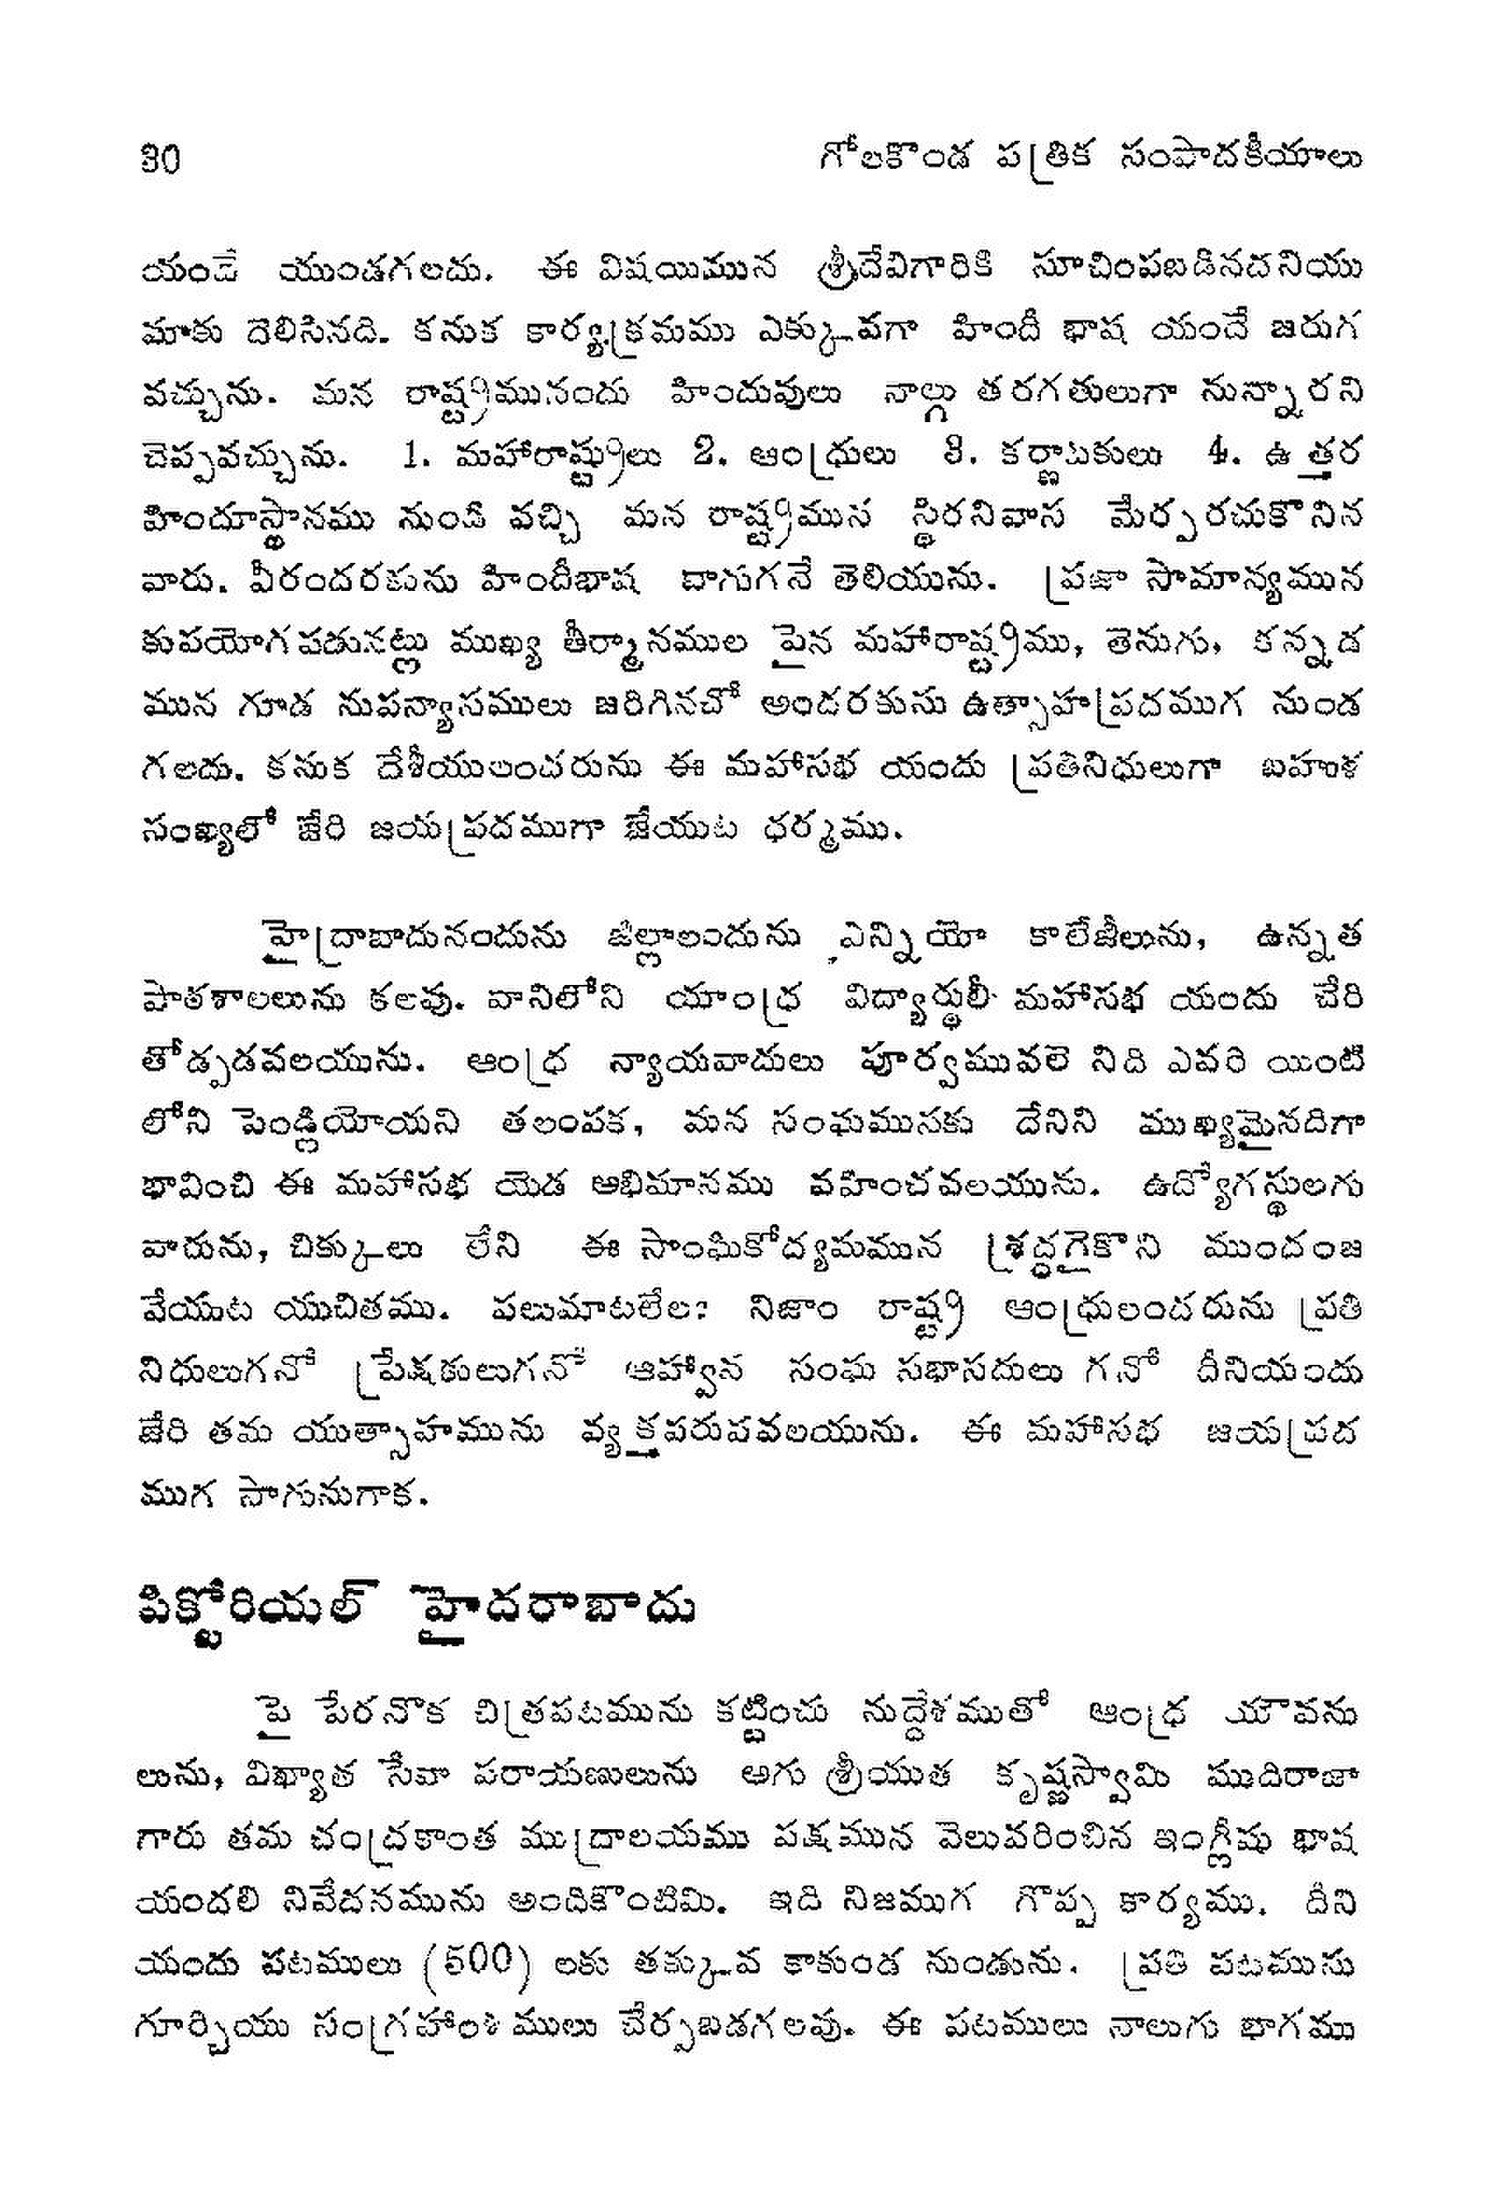యందే యుండగలదు. ఈ విషయమున శ్రీదేవిగారికి సూచింపబడినదనియు మాకు దెలిసినది. కనుక కార్యక్రమము ఎక్కువగా హిందీ భాష యందే జరుగ వచ్చును. మన రాష్ట్రమునందు హిందువులు నాల్గు తరగతులుగా నున్నారని
చెప్పవచ్చును. 1. మహారాష్ట్రులు 2. ఆంధ్రులు 3. కర్ణాటకులు 4. ఉత్తర హిందూస్థానము నుండి వచ్చి మన రాష్ట్రమున స్థిరనివాస మేర్పరచుకొనిన వారు. వీరందరకును హిందీభాష బాగుగనే తెలియును. ప్రజా సామాన్యమున
కుపయోగపడునట్లు ముఖ్య తీర్మానముల పైన మహారాష్ట్రము, తెనుగు, కన్నడమున గూడ నుపన్యాసములు జరిగినచో అందరకును ఉత్సాహప్రదముగ నుండగలదు. కనుక దేశీయులందరును ఈ మహాసభ యందు ప్రతినిధులుగా బహుళ సంఖ్యలో జేరి జయప్రదముగా జేయుట ధర్మము.

హైద్రాబాదునందును జిల్లాలందును ఎన్నియో కాలేజీలును, ఉన్నత పాఠశాలలును కలవు. వానిలోని యాంధ్ర విద్యార్థులీ మహాసభ యందు చేరి తోడ్పడవలయును. ఆంధ్ర న్యాయవాదులు పూర్వమువలె నిది ఎవరి యింటిలోని పెండ్లియోయని తలంపక, మన సంఘమునకు దేనిని ముఖ్యమైనదిగా భావించి ఈ మహాసభ యెడ అభిమానము వహించవలయును. ఉద్యోగస్థులగువారును, చిక్కులు లేని ఈ సాంఘికోద్యమమున శ్రద్దగైకొని ముందంజ వేయుట యుచితము. పలుమాటలేల? నిజాం రాష్ట్ర ఆంధ్రులందరును ప్రతినిధులుగనో ప్రేక్షకులుగానో ఆహ్వాన సంఘ సభాసదులు గనో దీనియందు జేరి తమ యుత్సాహమును వ్యక్తపరుపవలయును. ఈ మహాసభ జయప్రదముగ సాగునుగాక.

పిక్టోరియల్ హైదరాబాదు

పై పేరనొక చిత్రపటమును కట్టించు నుద్దేశముతో ఆంధ్ర యౌవనులును, విఖ్యాత సేవా పరాయణులును అగు శ్రీయుత కృష్ణస్వామి ముదిరాజాగారు తమ చంద్రకాంత ముద్రాలయము పక్షమున వెలువరించిన ఇంగ్లీషు భాష
యందలి నివేదనమును అందికొంటిమి. ఇది నిజముగ గొప్ప కార్యము. దీని యందు పటములు (500) లకు తక్కువ కాకుండ నుండును. ప్రతి పటమును గూర్చియు సంగ్రహాంశములు చేర్పబడగలవు. ఈ పటములు నాలుగు భాగము